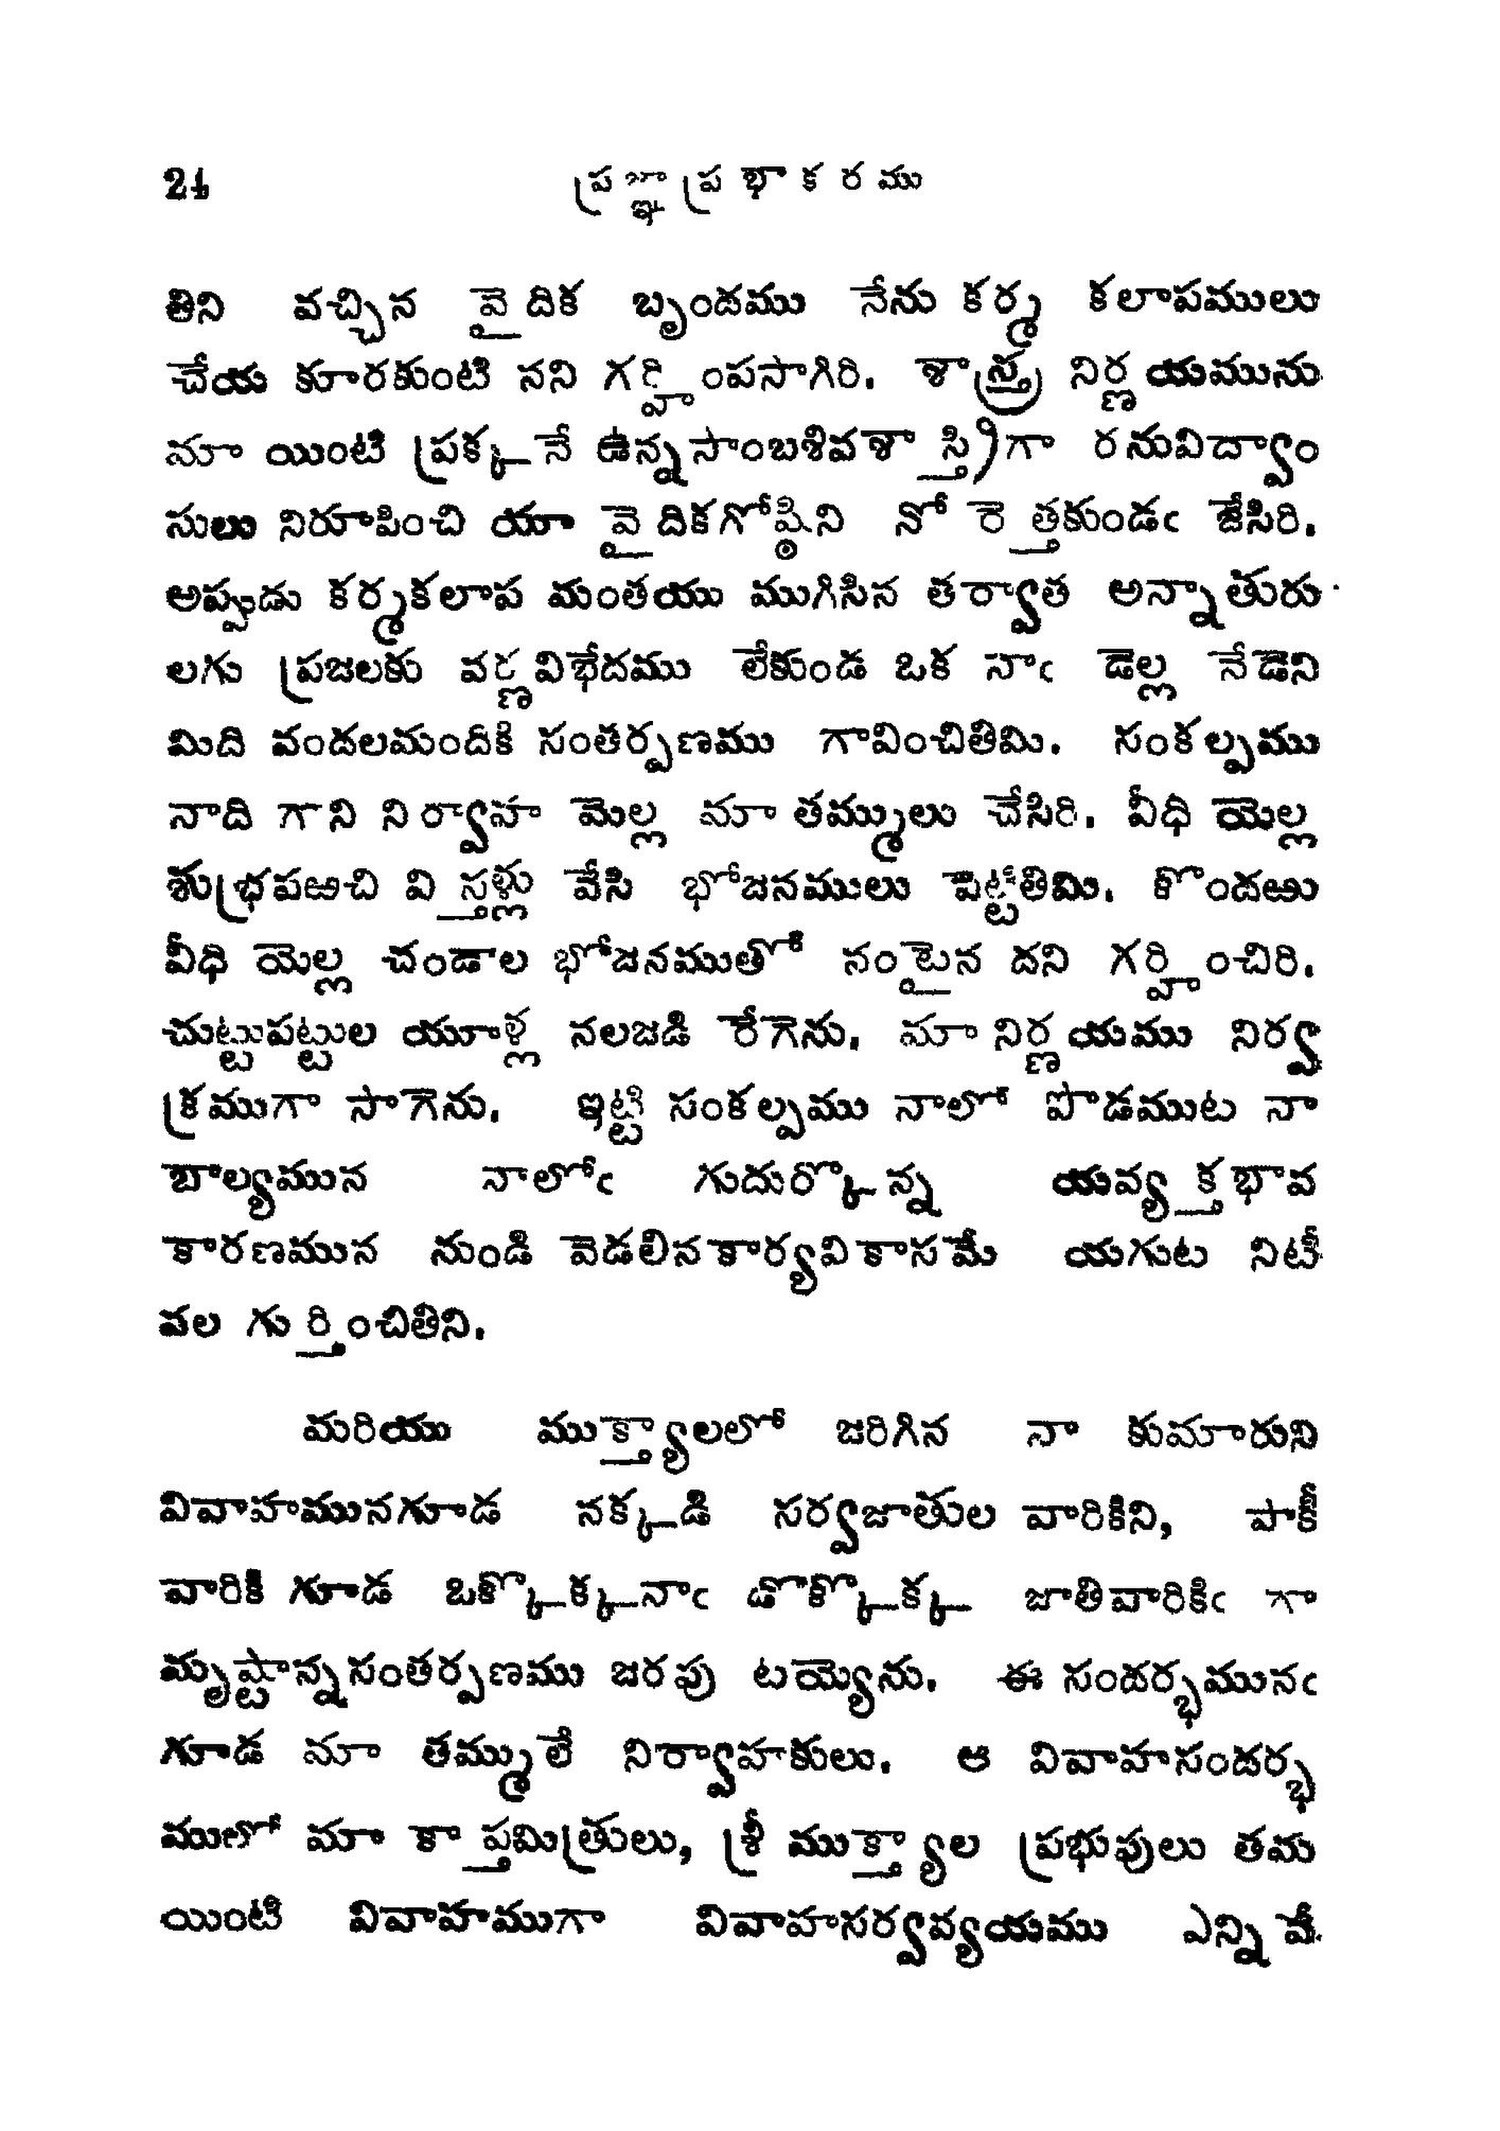తిని. వచ్చిన వైదిక బృందము నేను కర్మ కలాపములు చేయ కూరకుంటి నని గర్హింప సాగిరి. శాస్త్ర నిర్ణయమును మా యింటి ప్రక్కనే ఉన్న సాంబ శివ శాస్త్రిగా రను విద్వాంసులు నిరూపించి యా వైదిక గోష్టిని నో రేత్తకుండఁ జేసిరి. అప్పుడు కర్మకలాప మంతయు ముగిసిన తర్వాత అన్నాతురులగు ప్రజలకు వర్ణవిభేదము లేకుండ ఒక నాఁ డెల్ల నేడెనిమివందలమందికి సంతర్పణము గావించితిమి. సంకల్పము నాది గాని నిర్వాహ మెల్ల మా తమ్ములు చేసిరి. వీధి యెల్ల శుభ్రపఱచి విస్తళ్లు వేసి భోజనములు పెట్టితిమి. కొందఱు వీధి యెల్ల చండాల భోజనముతో నంటైనదని గర్హించిరి. చుట్టుపట్టుల యూళ్ళ నలజడి రేగను. మా నిర్ణయము నిర్వక్రముగా సాగెను. ఇట్టి సంకల్పము నాలో పొడముట నా బాల్యమున నాలోఁ గుదుర్కొన్న యవయక్తభావ కారణమున నుండి వెడలిన కార్యవికాసమే యగుట నిటీవల గుర్తించితిని.
 
మరియు ముక్త్యాలలో జరిగిన నా కుమారుని వివాహామున గూడ నక్కడి సర్వ జాతుల వారికిని, పాకీ వారికి గూడ ఒక్కొక్క నాఁ డొక్కొక్క జాతివారికిఁగామృష్టాన్నసంతర్ప్ము జరుపుటయ్యెను. ఈ సందర్భమునఁగూడ మా తమ్ములే నిర్వహకులు. ఆ వివాహ సందర్భములో మా కాప్త మిత్రులు, శ్రీ ముక్త్యాల ప్రభువులు తమ యింటి వివాహముగా వివాహసర్వవ్యయము ఎన్ని వే